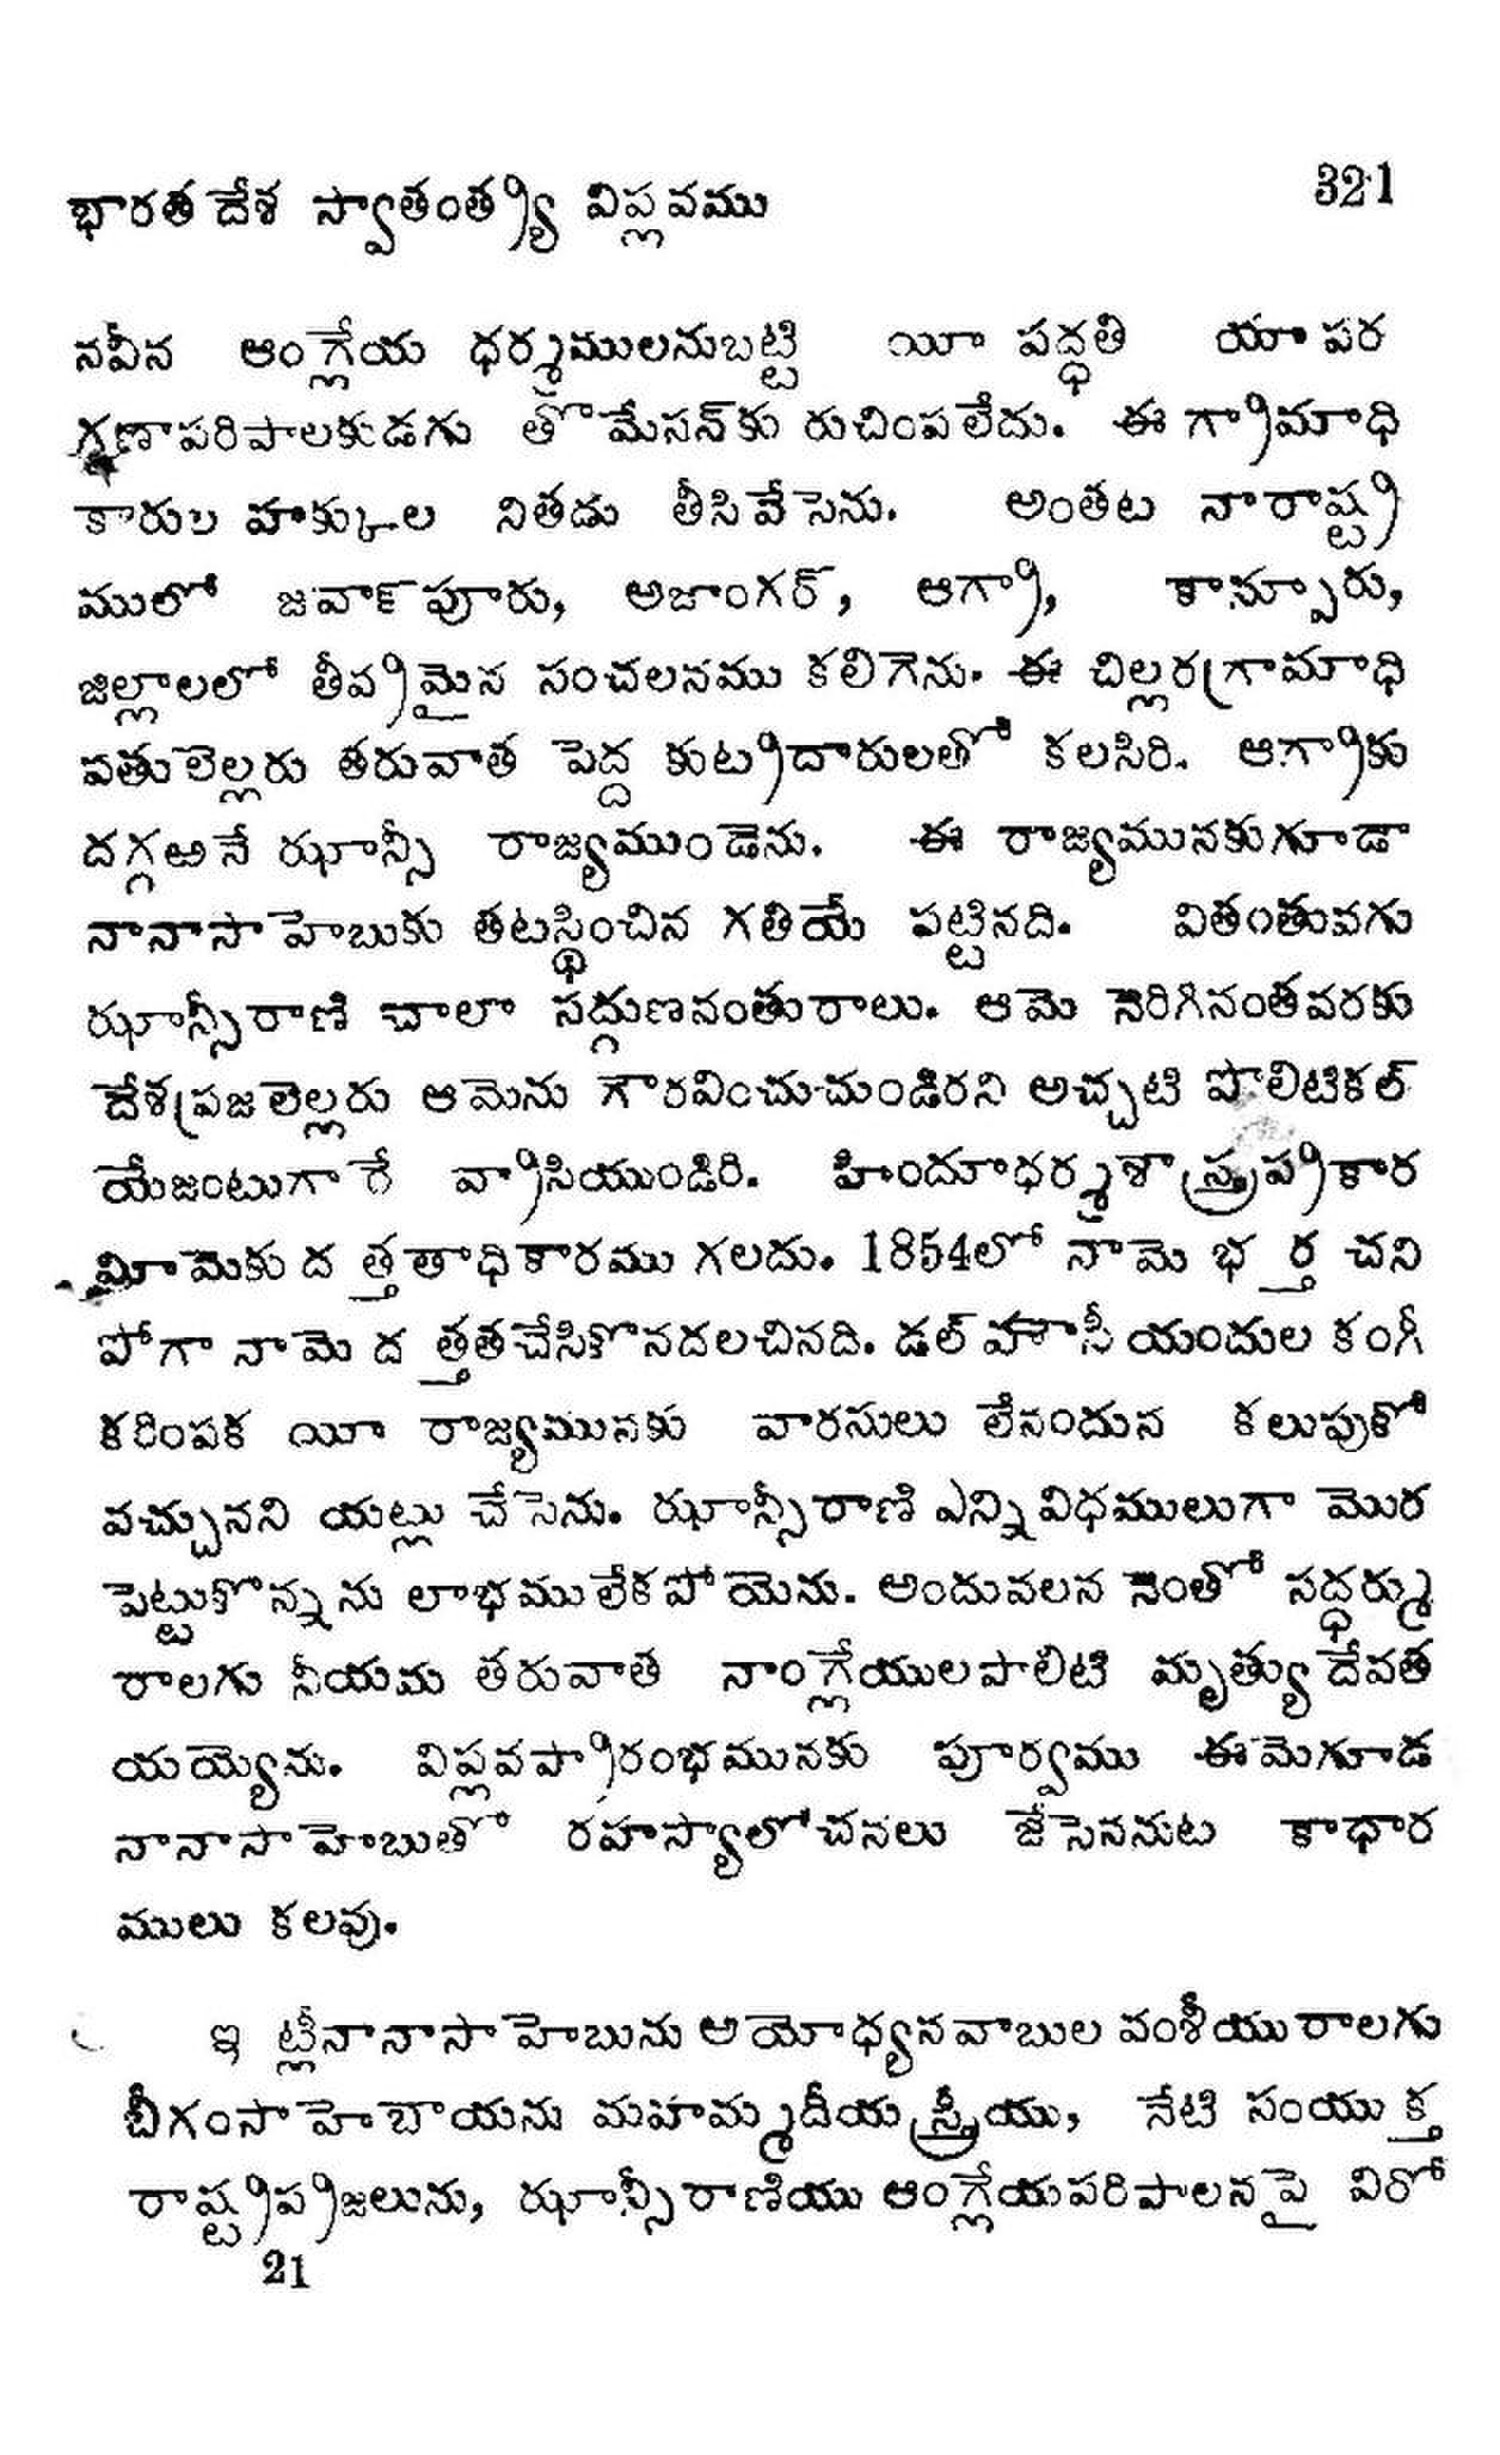నవీన ఆంగ్లేయ ధర్మములనుబట్టి యీ పద్దతి యాపరగణాపరిపాలకుడగు తొమేసన్‌కు రుచింపలేదు. ఈ గ్రామాధికారుల హక్కుల నితడు తీసివేసెను. అంతట నారాష్ట్రములో జవా౯పూరు, అజాంగర్, ఆగ్రా, కాన్పూరు, జిల్లాలలో తీవ్రమైన సంచలనము కలిగెను. ఈ చిల్లరగ్రామాధిపతులెల్లరు తరువాత పెద్ద కుట్రదారులతో కలసిరి. ఆగ్రాకు దగ్గఱనే ఝాన్సీ రాజ్యముండెను, ఈ రాజ్యమునకుగూడా నానాసాహేబుకు తటస్థించిన గతియే పట్టినది. వితంతువగు ఝాన్సీరాణి చాలా సద్గుణవంతురాలు. ఆమె నెరిగినంతవరకు దేశప్రజలెల్లరు ఆమెను గౌరవించుచుండిరని అచ్చటి పొలిటికల్ యేజంటుగారే వ్రాసియుండిరి. హిందూధర్మశాస్త్రప్రకార మీమెకు దత్తతాధికారము గలదు. 1854లో నామె భర్త చనిపోగా నామె దత్తతచేసికొనదలచినది. డల్‌హౌసీయందుల కంగీగరింపక యీ రాజ్యమునకు వారసులు లేనందున కలుపుకోవచ్చునని యట్లు చేసెను. ఝాన్సీరాణి ఎన్నివిధములుగా మొరపెట్టుకొన్నను లాభము లేక పోయెను. అందువలన నెంతో సద్దర్మురాలగు నీయమ తరువాత నాంగ్లేయులపాలిటి మృత్యుదేవత యయ్యెను. విప్లవప్రారంభమునకు పూర్వము ఈమెగూడ నానాసాహెబుతో రహస్యాలోచనలు జేసెననుట కాధారములు కలవు. 

ఇట్లేనానాసాహెబును అయోధ్యనవాబుల వంశీయురాలగు బీగంసాహెబాయను మహమ్మదీయస్త్రీయు, నేటి సంయుక్త రాష్ట్రప్రజలును, ఝాన్సీరాణియు ఆంగ్లేయపరిపాలనపై విరో